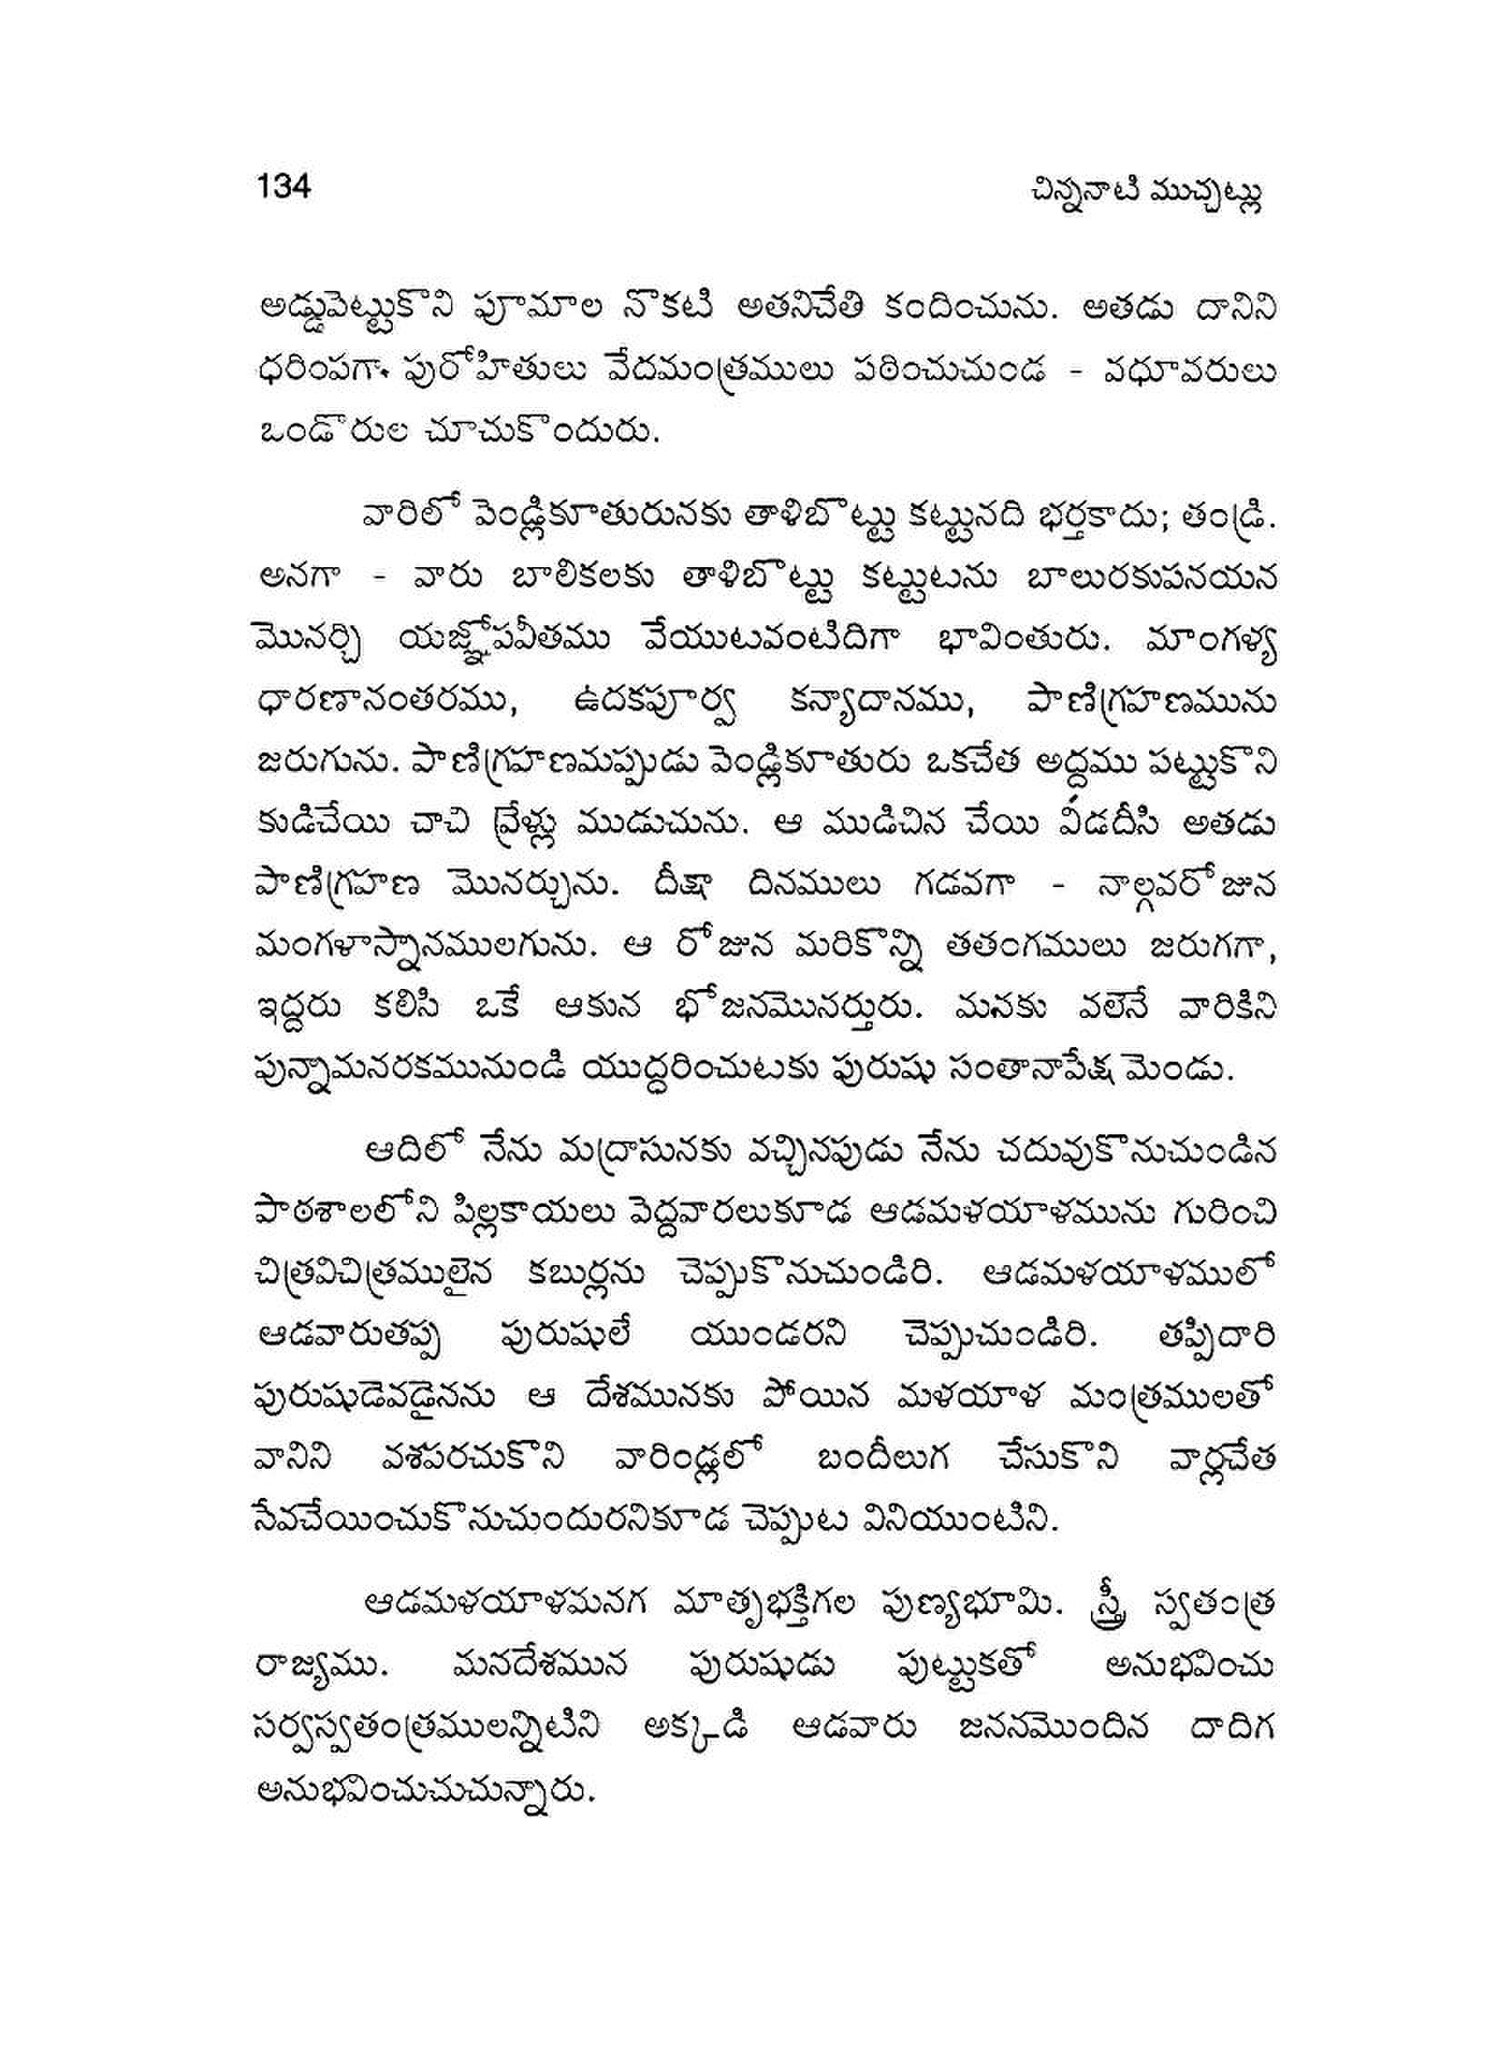అడ్డుపెట్టుకొని పూమాల నొకటి అతనిచేతి కందించును. అతడు దానిని ధరింపగా, పురోహితులు వేదమంత్రములు పఠించుచుండ - వధూవరులు ఒండొరులను చూచుకొందురు.

వారిలో పెండ్లికూతురునకు తాళిబొట్టు కట్టునది భర్తకాదు; తండ్రి. అనగా - వారు బాలికలకు తాళిబొట్టు కట్టుటను బాలురకుపనయన మొనర్చి యజ్ఞోపవీతము వేయుటవంటిదిగా భావింతురు. మాంగళ్య ధారణానంతరము, ఉదకపూర్వ కన్యాదానము, పాణిగ్రహణమును జరుగును. పాణిగ్రహణమప్పుడు పెండ్లికూతురు ఒకచేత అద్దము పట్టుకొని కుడిచేయి చాచి వ్రేళ్లు ముడుచును. ఆ ముడిచిన చేయి వీడదీసి అతడు పాణిగ్రహణ మొనర్చును. దీక్షా దినములు గడవగా - నాల్గవరోజున మంగళాస్నానములగును. ఆ రోజున మరికొన్ని తతంగములు జరుగగా, ఇద్దరు కలిసి ఒకే ఆకున భోజనమొనర్తురు. మనకు వలెనే వారికిని పున్నామనరకమునుండి యుద్ధరించుటకు పురుషు సంతానాపేక్ష మెండు.

ఆదిలో నేను మద్రాసునకు వచ్చినపుడు నేను చదువుకొనుచుండిన పాఠశాలలోని పిల్లకాయలు పెద్దవారలుకూడ ఆడమళయాళమును గురించి చిత్రవిచిత్రములైన కబుర్లను చెప్పుకొనుచుండిరి. ఆడమళయాళములో ఆడవారుతప్ప పురుషులే యుండురని చెప్పుచుండిరి. తప్పిదారి పురుషుడెవడైనను ఆ దేశమునకు పోయిన మళయాళ మంత్రములతో వానిని వశపరచుకొని వారిండ్లలో బందీలుగ చేసుకొని వార్లచేత సేవచేయించుకొనుచుందురనికూడ చెప్పుట వినియుంటిని.

ఆడమళయాళమనగ మాతృభక్తిగల పుణ్యభూమి. స్త్రీ స్వతంత్ర రాజ్యము. మనదేశమున పురుషుడు పుట్టుకతో అనుభవించు సర్వస్వతంత్రములన్నిటిని అక్కడి ఆడవారు జననమొందిన దాదిగ అనుభవించుచుచున్నారు.